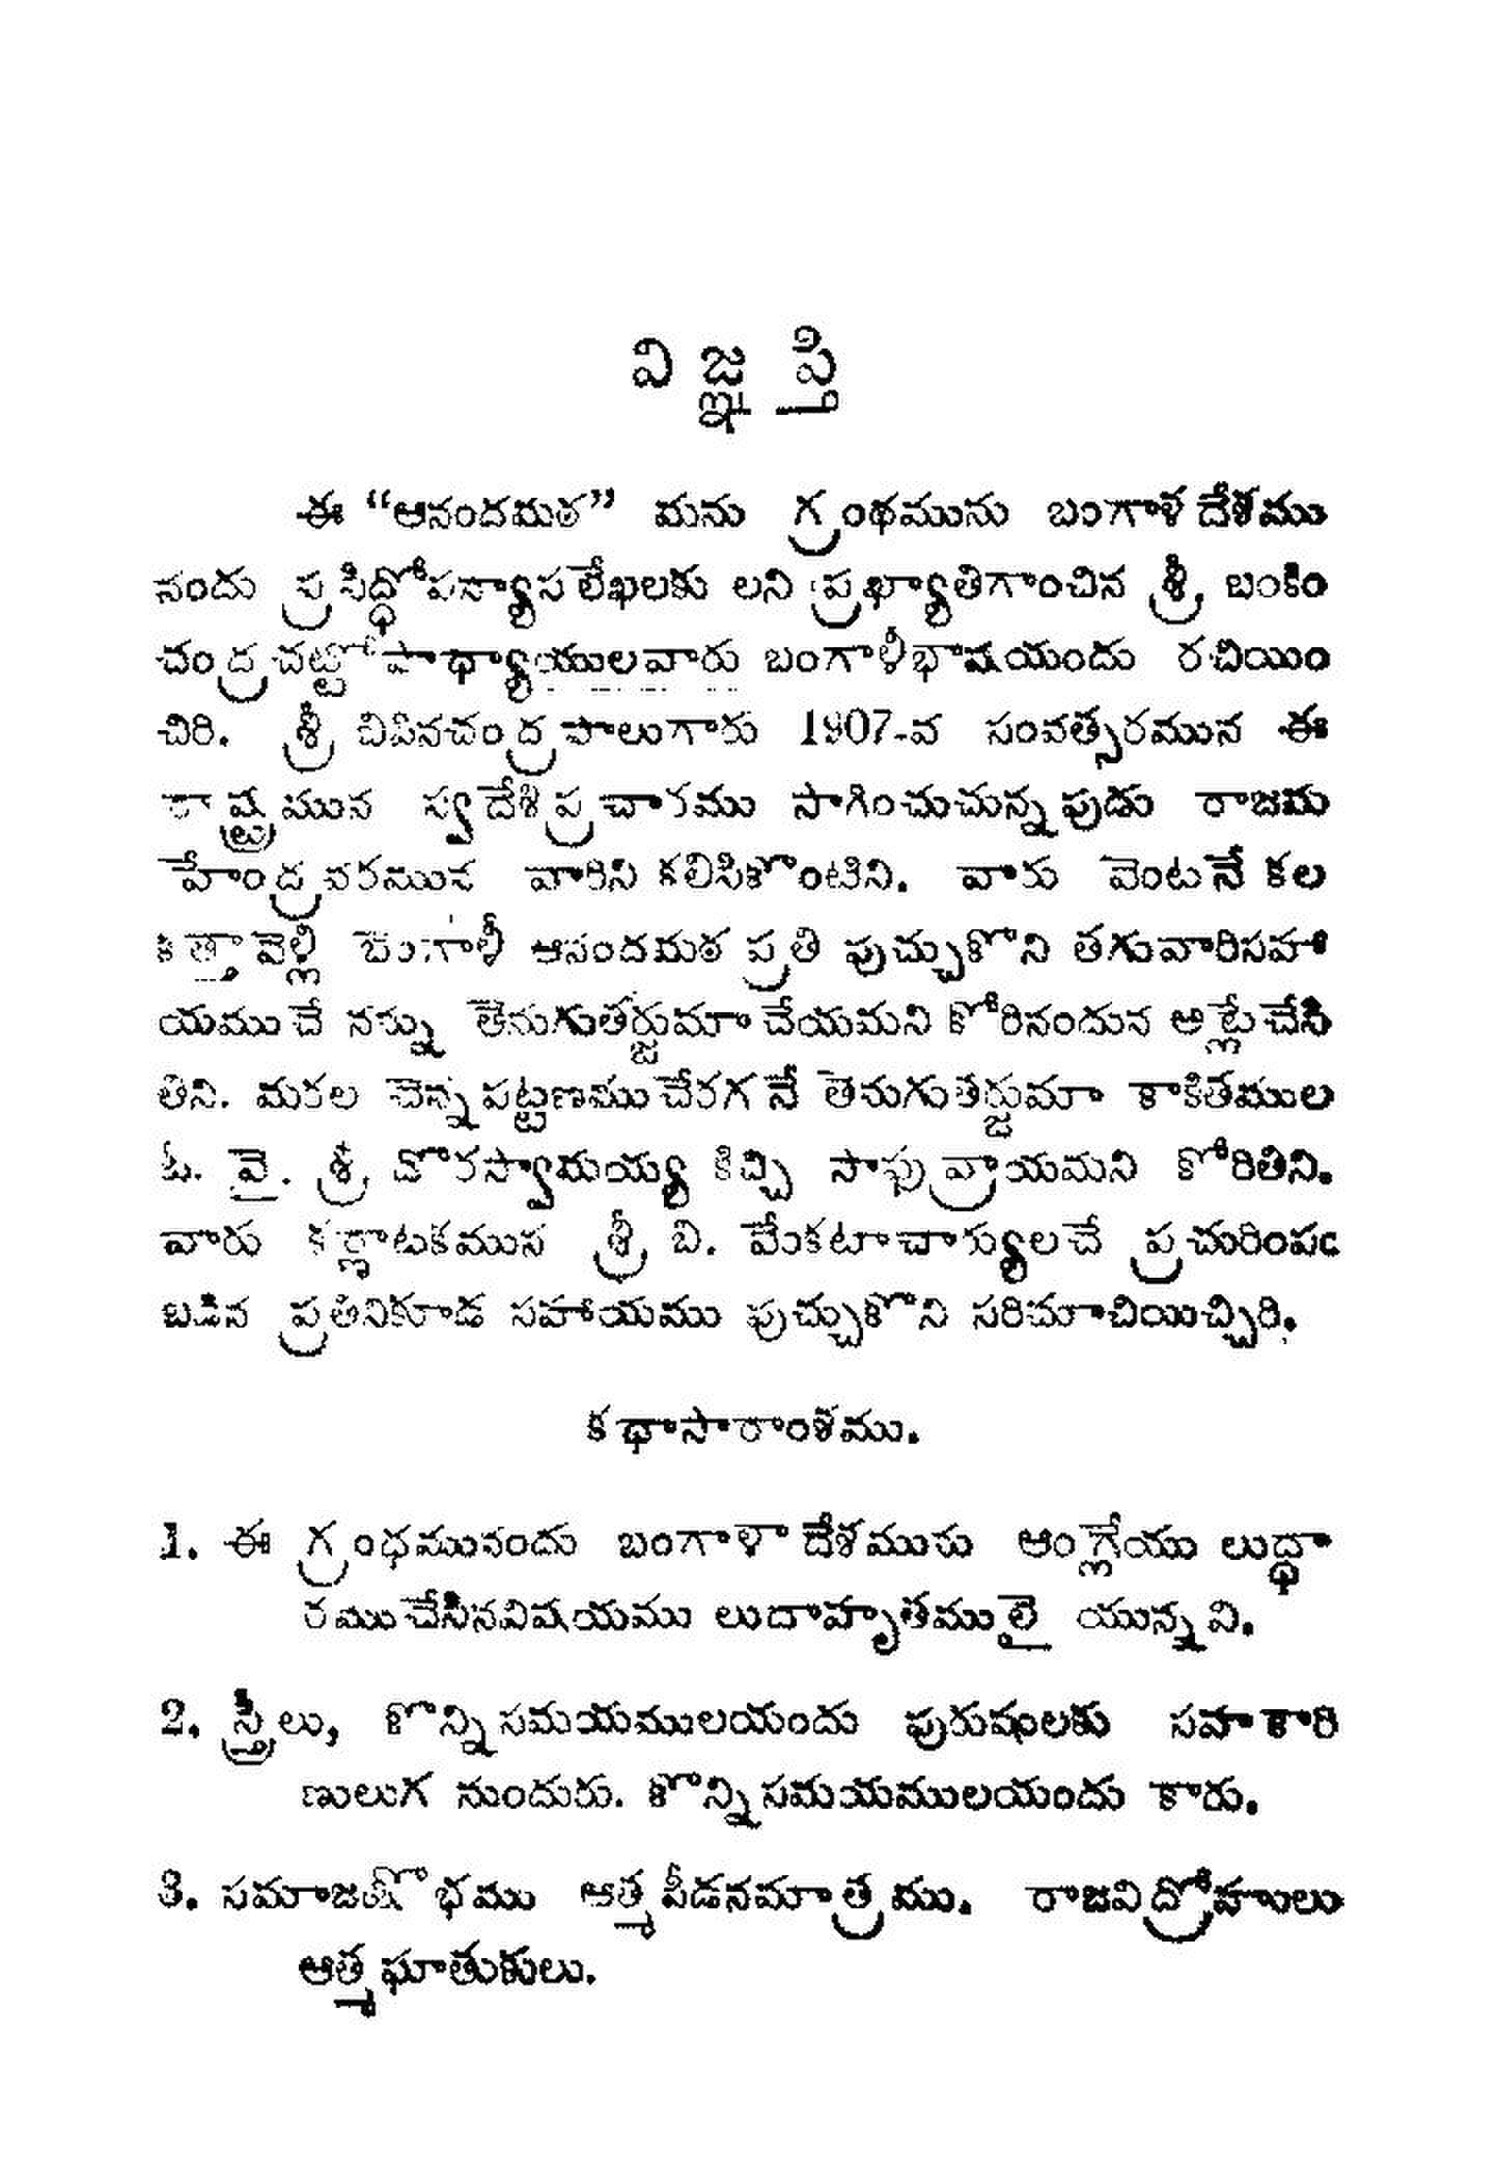విజ్ఞప్తి

ఈ “ఆనందమఠ" మను గ్రంథమును బంగాళదేశము నందు ప్రసిద్ధోపన్యాసలేఖలకు లని ప్రఖ్యాతిగాంచిన శ్రీ బంకించంద్రచట్టోపాధ్యాయులవారు బంగాళీభాషయందు రచియించిరి. శ్రీ బిపినచంద్రపాలుగారు 1907-వ సంవత్సరమున ఈ రాష్ట్రమున స్వదేశీప్రచారము సాగించుచున్నపుడు రాజమహేంద్రవరమున వారిని కలిసికొంటిని. వారు వెంటనే కలకత్తావెళ్లి బెంగాళీ ఆనందమఠ ప్రతి పుచ్చుకొని తగువారిసహాయముచే నన్ను తెనుగుతర్జుమా చేయమని కోరినందున అట్లే చేసితిని. మరల చెన్నపట్టణము చేరగనే తెలుగుతర్జుమా కాకితముల ఓ. వై. శ్రీ దొరస్వామయ్య కిచ్చి సాఫువ్రాయమని కోరితిని. వారు కర్ణాటకముస శ్రీ బి. వేంకటాచార్యులచే ప్రచురింపఁబడిన ప్రతినికూడ సహాయము పుచ్చుకొని సరిచూచియిచ్చిరి.

1. ఈ గ్రంధమునందు బంగాళాదేశమును ఆంగ్లేయు లుద్ధారముచేసినవిషయము లుదాహృతములై యున్నవి.

2. స్త్రీలు, కొన్ని సమయములయందు పురుషులకు సహకారిణులుగ నుందురు. కొన్ని సమయములయందు కారు.

3. సమాజక్షోభము ఆత్మపీడనమాత్రము. రాజవిద్రోహులు ఆత్మఘాతుకులు.